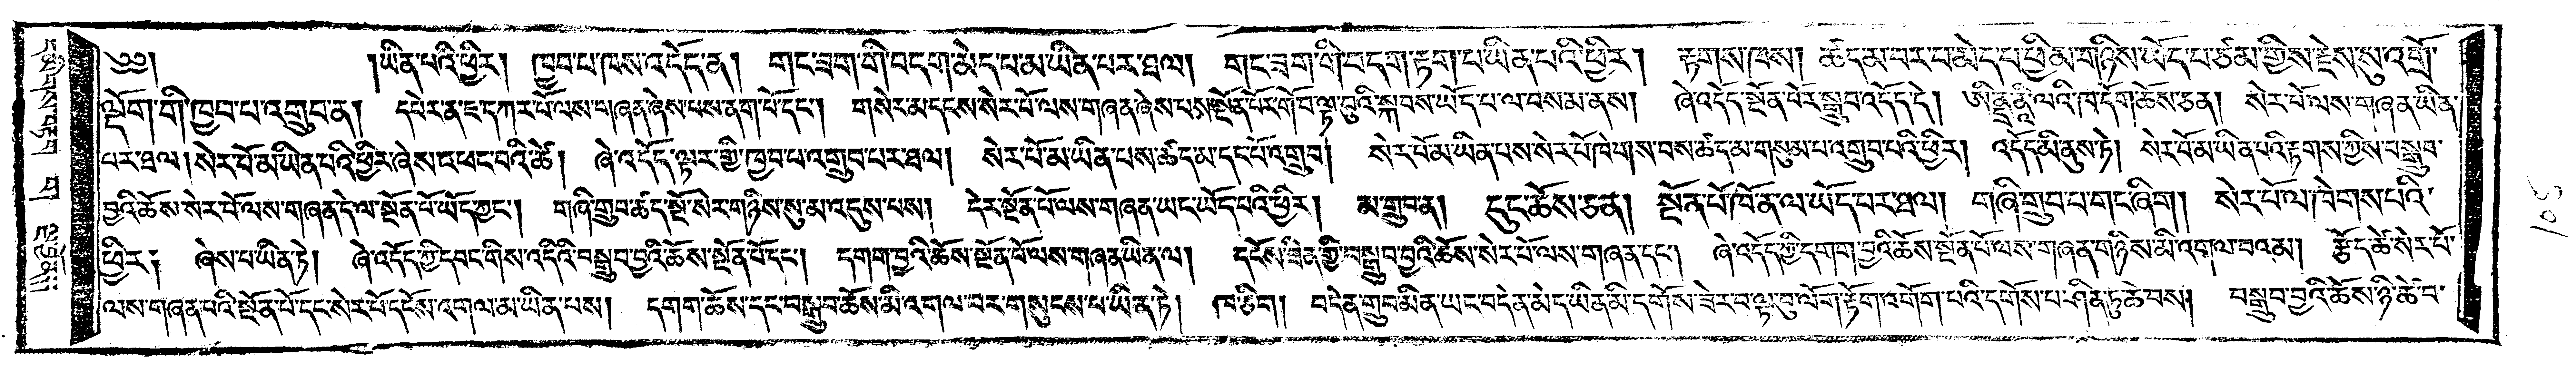༄༅། །ཡིན་པའི་ཕྱིར། ཁྱབ་པ་ཁས་འདོད་ན། གང་ཟག་གི་བདག་མེད་པ་མ་ཡིན་པར་ཐལ། གང་ཟག་གི་བདག་རྟག་པ་ཡིན་པའི་ཕྱིར། རྟགས་ཁས། ཚད་མ་བར་པ་མེད་པ་ཕྱི་མ་གཉིས་ཡོད་པ་ཙམ་གྱིས་རྗེས་སུ་འགྲོ་
ལྡོག་གི་ཁྱབ་པ་དགྲུབ་ན། དཔེར་ན་ཇ་དཀར་པོ་ལས་གཞན་ཞེས་པས་ནག་པོ་དང་། གསེར་མ་དངས་སེར་པོ་ལས་གཞན་ཞེས་པས་སྔོན་པོར་གོ་བ་ལྟ་བུའི་སྐབས་ཡོང་པ་ལ་བསམ་ནས། ཞེ་འདོད་སྔོན་པོར་སྒྲུབ་འདོད་དེ། ཨིནྡྲ་ནཱི་ལའི་ཁ་དོག་ཆོས་ཅན། སེར་པོ་ལས་གཞན་ཡིན་
པར་ཐལ། སེར་པོ་མ་ཡིན་པའི་ཕྱིར་ཞེས་འཕང་བའི་ཚེ། ཞེ་འདོད་ལྟར་གྱི་ཁྱབ་པ་འགྲུབ་པར་ཐལ། སེར་པོ་མ་ཡིན་པས་ཚད་མ་དང་པོ་འགྲུབ། སེར་པོ་མ་ཡིན་པས་སེར་པོ་ཁགས་པས་ཚད་མ་གསུམ་པ་འགྲུབ་པའི་ཕྱིར། འདོད་མི་ནུས་ཏེ། སེར་པོ་མ་ཡིན་པའི་རྟགས་ཀྱིས་བསྒྲུབ་
བྱའི་ཆོས་སེར་པོ་ལས་གཞན་དེ་ལ་སྔོན་པོ་ཡོད་ཀྱང་། གཞི་གྲུབ་ཚད་སྔོ་སེར་གཉིས་སུ་མ་འདུས་པས། དེར་སྔོན་པོ་ལས་གཞན་ཡང་ཡོད་པའི་ཕྱིར། མ་གྲུབ་ན། དུང་ཆོས་ཅན། སྔོན་པོ་ཁོ་ན་ལ་ཡོད་པར་ཐལ། གཞི་གྲུབ་པ་གང་ཞིག། སེར་པོ་ལ་ཁེགས་པའི་
ཕྱིར། ཞེས་པ་ཡིན་ཏེ། ཞེ་འདོད་ཀྱི་དབང་གིས་འདིའི་བསྒྲུབ་བྱའི་ཆོས་སྔོན་པོ་དང་། དགག་བྱའི་ཆོས་སྔོན་པོ་ལས་གཞན་ཡིན་ལ། དངོས་ཟིན་གྱི་བསྒྲུབ་བྱའི་ཆོས་སེར་པོ་ལས་གཞན་དང་། ཞེ་འདོད་ཀྱི་དགག་བྱའི་ཆོས་སྔོན་པོ་ལས་གཞན་གཉིས་མི་འགལ་བའམ། རྩོད་ཚེ་སེར་པོ་
ལས་གཞན་པའི་སྔོན་པོ་དང་སེར་པོ་དངོས་འགལ་མ་ཡིན་པས། དགག་ཆོས་དང་བསྒྲུང་ཆོས་མི་འགལ་བར་གསུངས་པ་ཡིན་ཏེ། ཁ་ཅིག། བདེན་གྲུབ་མིན་ཡང་བདེན་མེད་ཡིན་མི་དགོས་ཟེར་བ་ལྟ་བུ་ལོག་རྟོག་འགོག་པའི་དགོས་པ་ཤིན་ཏུ་ཆེ་བས། བསྒྲུབ་བྱའི་ཆོས་ཉི་ཚེ་བ་